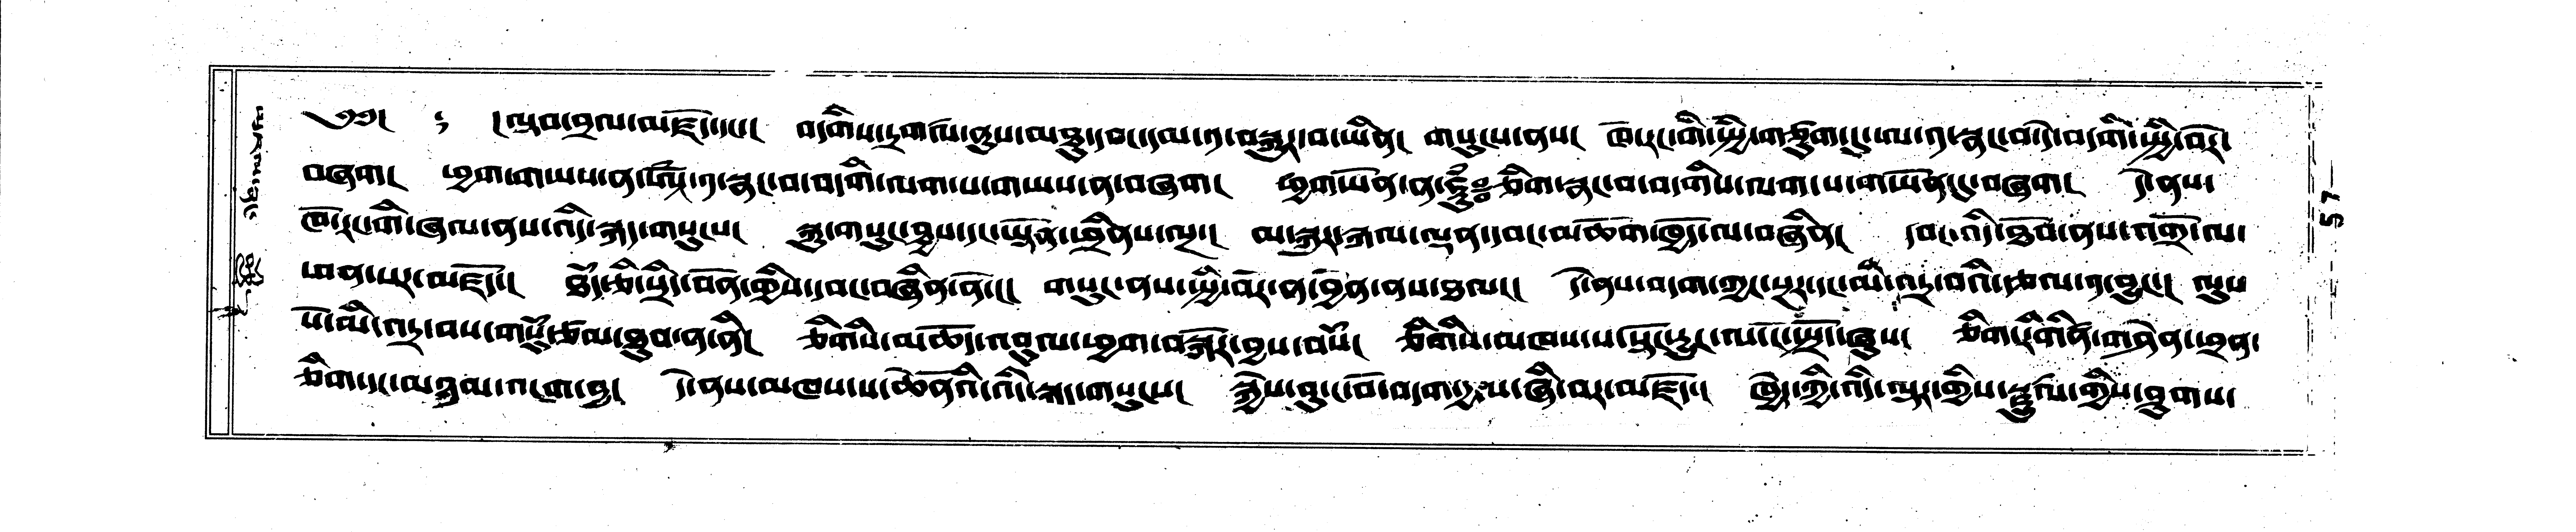ལྟབ་༼རྩིས་གདབ༽བྲལ་མཛོད་དང་། བདག་གིས་དྲག་རྩལ་ནུས་མཐུ་དབང་དམ་གཅིག་བསྐུར་བ་ཡིན། གསུངས་ནས། ཁོ་རང་གི་སྤྱི་གཙུག་དུ་ཨ་གཅིག་སྣང་བ་དེ་བདག་གི་སྤྱི་བོར་
བཞག ཕྱག་གཡས་ན་ཨཱོཾ་གཅིག་སྣང་བ་བདག་གི་ལག་པ་གཡས་ན་བཞག ཕྱག་གཡོན་ན་ཧཱུྃཿཅིག་སྣང་བ་བདག་གིས་ལག་པ་གཡོན་དུ་བཞག དེ་ནས་
ཁོ་རང་གི་ཞལ་ནས་འདི་སྐད་གསུངས། སྐུ་གསུང་ཐུགས་དང་ཡོན་ཏན་ཕྲིན་ལས་ལྔ། མ་སྐུར་སྐལ་ལྡན་དབང་མཆོག་ཁྱོད་ལ་བཞིན། དབང་འདི་ཐོབ་ནས་འགྲོ་ལ་
ཕན་པར་མཛོད། ཐམས་ཅད་ཅི་སྲིད་བོན་གྱིས་དབང་བཞིན་ནོ། གསུངས་ནས་སྤྱི་བོར་ན་བྱོན་ནས་ཐལ། དེ་ནས་བདག་ཀྱང་སྔར་དང་མི་འདྲ་བའི་རྩལ་གཅིག་བྱུང་། ལུས་
པོ་མི་འདྲ་བས་གསུམ་ཙམ་ཐུབ་ན་ནི། ཅིག་གིས་མཆོད་འབུལ་ཕྱག་བསྐོར་བྱས་བསམ། ཅིག་གིས་མཁས་པ་སྟོང་རྒྱུང་ལ་ངོ་སྤྲོད་ཞུས། ཅིག་རིག་འཛིན་གཤེན་ཕྲན་
ཅིག་དང་མཉམ་བཞག་བྱ། དེ་ནས་མཁས་པ་ཆེན་པོས་འདི་སྐད་གསུངས། སྐྱེས་བུ་ང་བོ་བདག་རྒྱལ་ཞི་བར་མཛོད། ཁྱེད་ཀྱི་འདི་ལྟར་གྱིས་རྫུ་འཕྲུལ་གྱིས་ཤུགས་